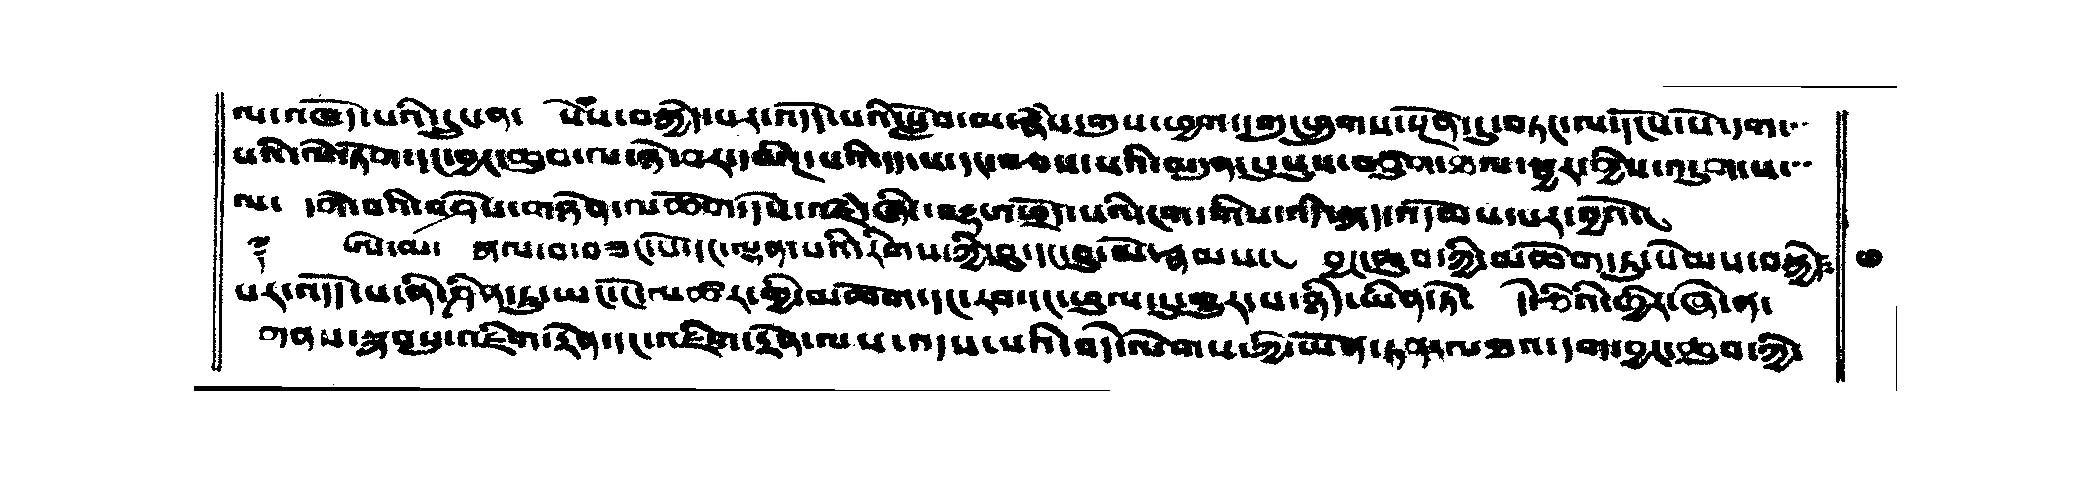ལ་འཁོད་པའི་དྲུང་ན། སེམས་བསྐྱེད་པར་འདོད་པའི་སློབ་མ་རྣམས་གུས་ཕྱག་དགུང་བྲུགས་སྔོན་དུ་བཏང་ལ་དངོས་པོ་དག་
པའི་མེ་ཏོག་དང་བྱང་ཆུབ་ལ་ཉེ་བར་དམིགས་པའི་དད་པ་དང་བཅས་པའི་མདུན་དུ་སུས་བཙུག་ཐལ་སྦྱར་གྱིས་འདུག་པ་
ལ། དགེ་བའི་བཤེས་གཉེན་མཆོག་དཔེ་འཇམ་ཞིང་བརྡ་འཕྲོད་པའི་ངག་གིས་འདི་སྐད་འདོམས་པར་བྱའོ། 
༈ ཨེ་མ། སྐལ་བ་བཟང་པོ་དང་ལྡན་པའི་རིགས་ཀྱི་བུ་དང་བུ་མོ་རྣམས། བྱང་ཆུབ་ཀྱི་མཆོག་ཏུ་སེམས་བསྐྱེད་
པར་འདོད་པ་ནི་ཤིན་ཏུ་ཡང་ངོ་མཚར་གྱི་མཆོག་དང་རབ་དང་ཕུལ་དུ་གྱུར་པ་ཉིད་ཡིན་ཏེ། དེ་ཅིའི་ཕྱིར་ཞེ་ན་
གནས་སྐབས་སུ་འཇིག་རྟེན་དང་འཇིག་རྟེན་ལས་འདས་པའི་བདེ་ལེགས་ཀྱི་ཡོན་ཏན་མཐའ་དག་བྱང་ཆུབ་ཀྱི་